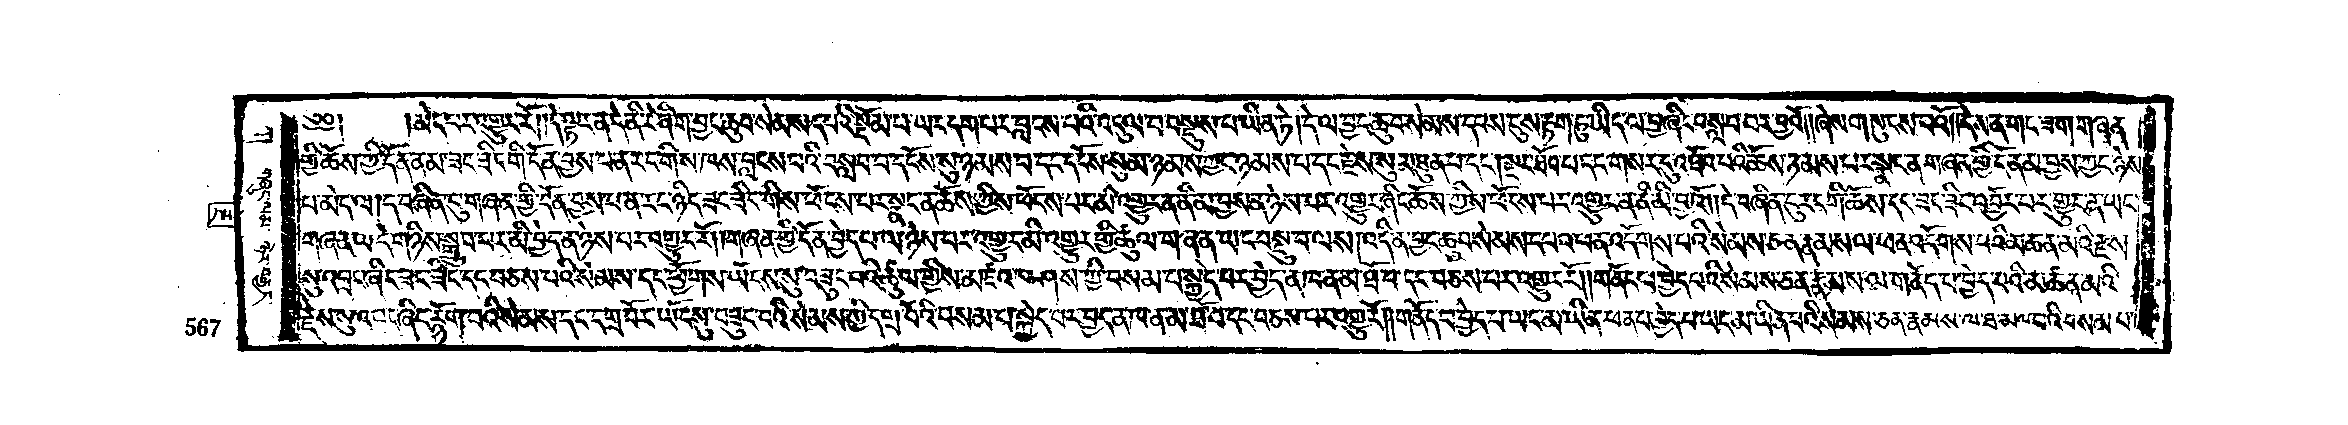༄༅། །མེད་པར་འགྱུར་རོ། །དེ་ལྟར་ན་དེ་ནི་རེ་ཞིག་བྱང་ཆུབ་སེམས་དཔའི་སྡོམ་པ་ཡང་དག་པར་བླངས་པའི་འདུལ་བ་བསྡུས་པ་ཡིན་ཏེ། དེ་ལ་བྱང་ཆུབ་སེམས་དཔས་དུས་རྟག་ཏུ་ཡིད་ལ་བྱ་ཞིང་བསླབ་པར་བྱའོ། །ཞེས་གསུངས་པའོ། །དེས་ན་གང་ཟག་གཞན་
གྱི་ཆོས་ཀྱི་དོན་ནམ་ཟང་ཟིང་གི་དོན་བྱས་པ་ན་རང་གིས་ཁས་བླངས་པའི་བསླབ་པ་དངོས་སུ་ཉམས་པ་དང་དངོས་སུ་མ་ཉམས་ཀྱང་ཉམས་པ་དང་རྗེས་སུ་མཐུན་པ་དང་། སྔར་ཐོབ་པ་དང་གསར་དུ་འཐོབ་པའི་ཆོས་ཉམས་པར་སྣང་ན་གཞན་གྱི་དོན་མ་བྱས་ཀྱང་ཉེས་
པ་མེད་ལ། ད་བཞིན་དུ་གཞན་གྱི་དོན་བྱས་པ་ན་རང་ཉིད་ཟང་ཟིང་གིས་ཕོངས་པར་སྣང་ན་ཆོས་ཀྱིས་ཕོངས་པར་མི་འགྱུར་ན་ནི་མ་བྱས་ན་ཉེས་པར་འགྱུར་ཞིང་ཆོས་ཀྱིས་ཕོངས་པར་འགྱུར་ན་ནི་མི་བྱའོ། །དེ་བཞིན་དུ་རང་གི་ཆོས་དང་ཟང་ཟིང་འབྱོར་པར་གྱུར་ན་ཡང་
གཞན་ཡ་དེ་གཉིས་སྒྲུབ་པར་མི་བྱེད་ན་ཉེས་པར་འགྱུར་རོ། །གཞན་གྱི་དོན་བྱེད་པ་ལ་ཉེས་པར་འགྱུར་མི་འགྱུར་གྱི་ཚུལ་གཞན་ཡང་བསྡུ་བ་ལས། འདི་ན་བྱང་ཆུབ་སེམས་དཔའ་ཕན་འདོགས་པའི་སེམས་ཅན་རྣམས་ལ་ཕན་འདོགས་པའི་མཚན་མའི་རྫས་
སུ་འབྲང་ཞིང་ཟང་ཟིང་དང་བཅས་པའི་སེམས་དང་ཕྱོགས་ཡོངས་སུ་བཟུང་བའི་ཚུལ་གྱིས་མཛའ་བཤས་ཀྱི་བསམ་པ་སྐྱེད་པར་བྱེད་ན་ཁ་ན་མ་ཐོ་བ་དང་བཅས་པར་འགྱུར་རོ། །གནོད་པ་བྱེད་པའི་སེམས་ཅན་རྣམས་ལ་གནོད་པ་བྱེད་པའི་མཚན་མའི་
རྗེས་སུ་འབད་ཞིང་རྙོག་པའི་སེམས་དང་དགྲ་བོར་ཡོངས་སུ་བཟུང་བའི་སེམས་ཀྱི་དགྲ་བོའི་བསམ་པ་སྐྱེད་པར་བྱད་ན་ཁ་ན་མ་ཐོ་བ་དང་བཅས་པར་འགྱུར་རོ། །གནོད་པ་བྱེད་པ་ཡང་མ་ཡིན་ཕན་པ་བྱེད་པ་ཡང་མ་ཡིན་པའི་སེམས་ཅན་རྣམས་ལ་ཐ་མལ་བའི་བསམ་པ་